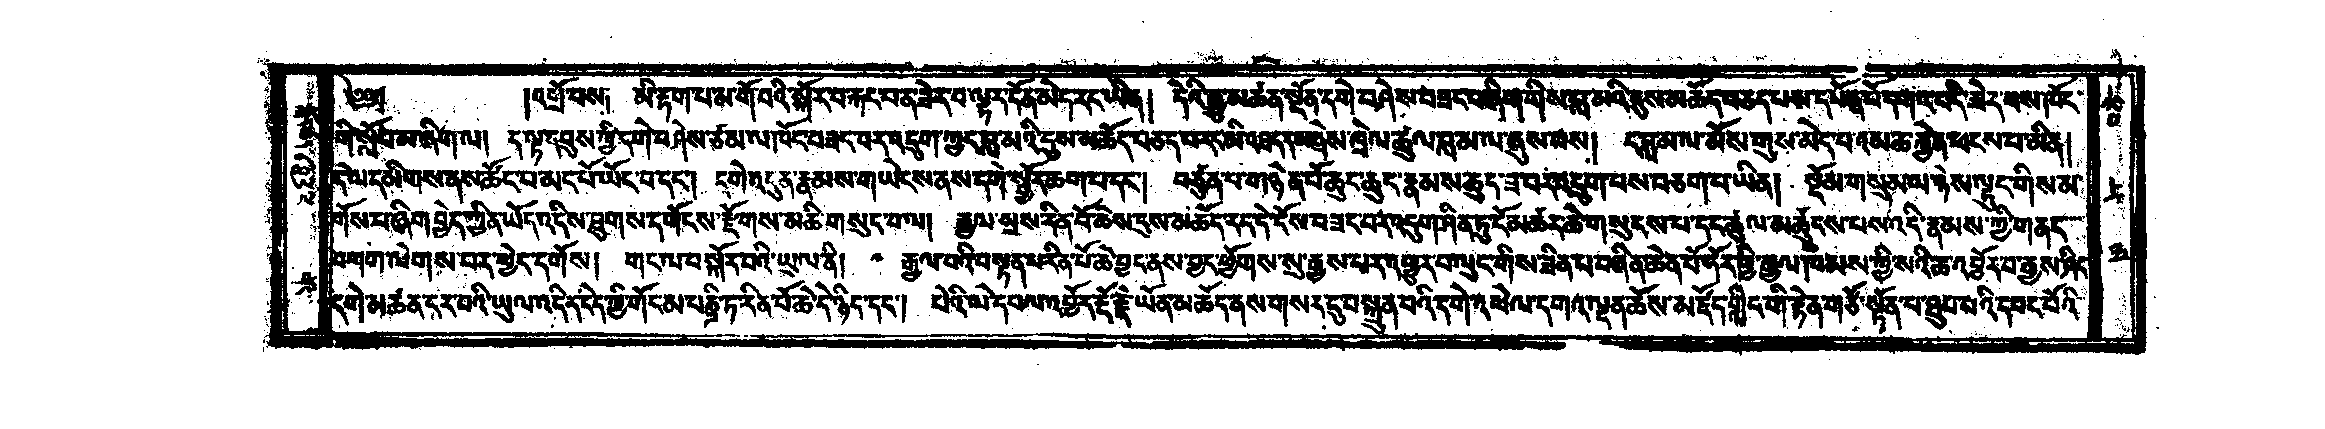༄༅། །འགྲོ་བས། མི་རྟག་པ་མ་གོ་བའི་སྐོར་བ་རྐང་པ་ན་ཟེར་བ་ལྟར་དོན་མེད་རང་ཡིན། དེའི་རྒྱུ་མཚན་སྔོན་དགེ་བཤེས་བཟང་བ་ཞིག་གིས་བླ་མའི་དུས་མཆོད་བཅད་པས་དཔོན་པོ་དགའ་བདེ་ཟེར་བས་ཁོང་
གི་སློབ་མ་ཞིག་ལ། ད་ལྟ་དབུས་ཀྱི་དགེ་བཤེས་ཙམ་ལ་ཁོང་བཟང་བར་འདུག་ཀྱང་བླ་མའི་དུས་མཆོད་བཅད་པ་རང་མི་འཐད་དམ་ཞེས་ཁྲེལ་ཚུལ་བླ་མ་ལ་ཞུས་པས། ང་བླ་མ་ལ་མོས་གུས་མེད་པ་འམ་ཆ་རྐྱེན་ཕངས་པ་མིན།
དེ་ལ་དམིགས་ནས་ཚོང་པ་མང་པོ་ཡོང་བ་དང་། དགེ་འདུན་རྣམས་གཡེངས་ནས་དགེ་སྦྱོར་ཆག་པ་དང་། བཙུན་པ་གཉེན་པོ་ཆུང་ཆུང་རྣམས་ཆུད་ཟ་བར་འདུག་པས་བཅག་པ་ཡིན། སྡོམ་གསུམ་ལ་ཉེས་ལྟུང་གིས་མ་
གོས་པ་ཞིག་བྱེད་ཀྱིན་ཡོད་འདིས་ཐུགས་དགོངས་རྫོགས་མཆི་གསུང་བ་ལ། རྒྱལ་སྲས་རིན་པོ་ཆེས་དུས་མཆོད་རང་དེ་ངོས་བཟང་བར་འདུག་ཤིན་ཏུ་ངོ་མཚར་ཆེ་གསུངས་པ་དང་ཚུལ་མཚུངས་པས་འདི་རྣམས་ཀྱི་གནད་
བཀག་ལེགས་པར་ཕྱེད་དགོས། གང་ལ་བསྐོར་བའི་ཡུལ་ནི། ༧་རྒྱལ་བའི་བསྟན་པ་རིན་པོ་ཆེ་བྱང་ནས་བྱང་ཕྱོགས་སུ་རྒྱས་པར་འགྱུར་པ་ལུང་གིས་ཟིན་པ་བཞིན་ཆེན་པོ་ཧོར་གྱི་རྒྱལ་ཁམས་ཀྱི་སའི་ཆ་འབྱོར་བ་རྒྱས་ཤིང་
དགེ་མཚན་དར་བའི་ཡུལ་འདིར་ངེད་ཀྱི་གོང་མ་པཎྜི་ཏ་རིན་པོ་ཆེ་དེ་ཉིད་དང་། པེའི་ལེ་དཔལ་འབྱོར་རྡོ་རྗེ་ཡོན་མཆོད་ནས་གསར་དུ་བསྐྲུན་པའི་དགེ་འཕེལ་དགའ་ལྡན་ཆོས་མཛོད་གླིང་གི་རྟེན་གཙོ་སྟོན་པ་ཐུབ་པའི་དབང་པོའི་